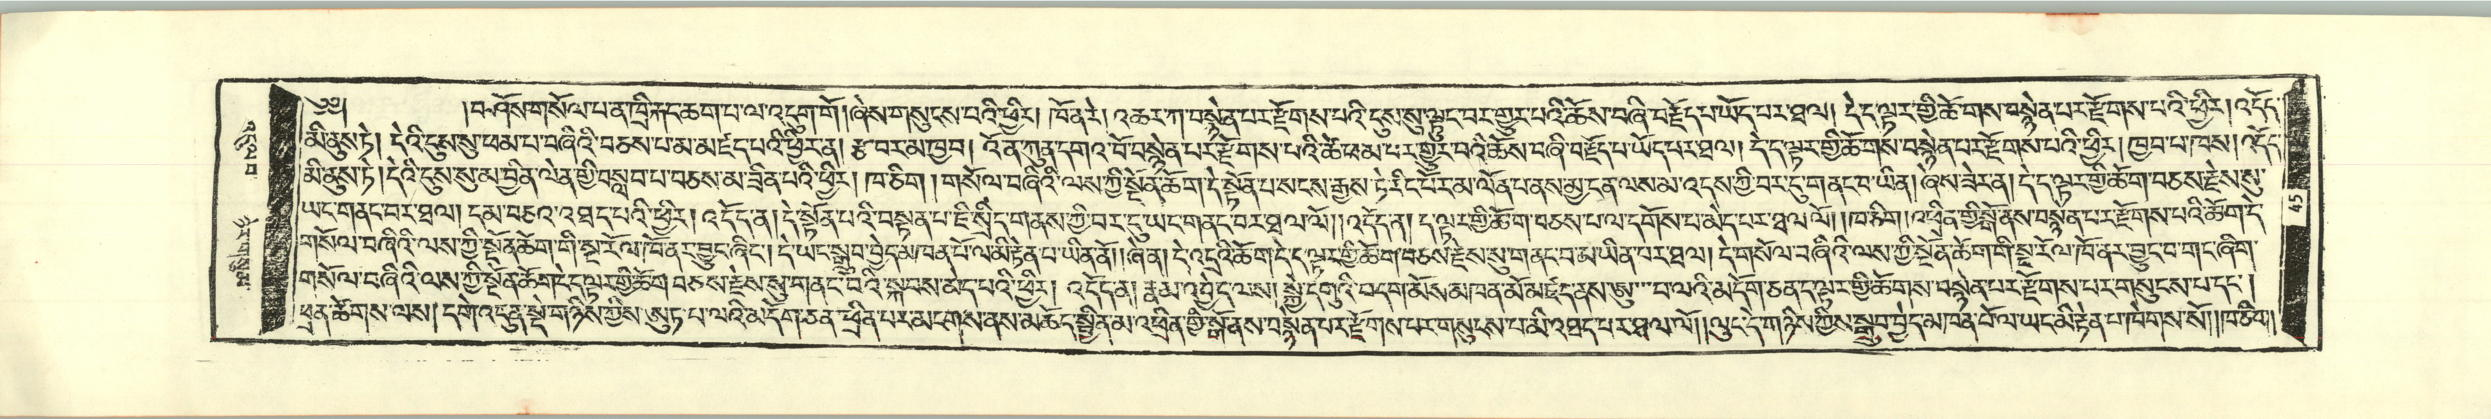༄༅། །བཤོས་གསོལ་པ་ན་ཁྲི་རྐང་ཆག་པ་ལ་འདུག་གོ །ཞེས་གསུངས་པའི་ཕྱིར། ཁོ་ན་རེ། འཆར་ཀ་བསྙེན་པར་རྫོགས་པའི་དུས་སུ་ལྟུང་བར་གྱུར་པའི་ཆོས་བཞི་བརྗོད་པ་ཡོད་པར་ཐལ། དེ་ད་ལྟར་གྱི་ཆོ་གས་བསྙེན་པ་རྫོགས་པའི་ཕྱིར། འདོད་
མི་ནུས་ཏེ། དེའི་དུས་སུ་ཕམ་པ་བཞིའི་བཅས་པ་མ་མཛད་པའི་ཕྱིར་ན། རྩ་བར་མ་ཁྱབ། འོན་ཀུན་དགའ་བོ་བསྙེན་པར་རྫོགས་པའི་ཚེ་ཕམ་པར་གྱུར་པའི་ཆོས་བཞི་བརྗོད་པ་ཡོད་པར་ཐལ། དེ་ད་ལྟར་གྱི་ཆོ་གས་བསྙེན་པར་རྫོགས་པའི་ཕྱིར། ཁྱབ་པ་ཁས། འདོད་
མི་ནུས་ཏེ། དེའི་དུས་སུ་མ་བྱིན་ལེན་གྱི་བསླབ་པ་བཅས་མ་ཟིན་པའི་ཕྱིར། ཁ་ཅིག །གསོལ་བཞིའི་ལས་ཀྱི་སྔོན་ཆོག་དེ་སྟོན་པ་སངས་རྒྱས་ཏེ་རིང་པོར་མ་ལོན་པ་ནས་མྱ་ངན་ལས་མ་འདས་ཀྱི་བར་དུ་གནང་བ་ཡིན། ཞེས་ཟེར་ན། དེ་ད་ལྟར་གྱི་ཆོ་ག་བཅས་རྗེས་སུ་
ཡང་གནང་བར་ཐལ། དམ་བཅའ་འཐད་པའི་ཕྱིར། འདོད་ན། དེ་སྟོན་པའི་བསྟན་པ་ཇི་སྲིད་གནས་ཀྱི་བར་དུ་ཡང་གནང་བར་ཐལ་ལོ། །འདོད་ན། ད་ལྟར་གྱི་ཆོ་ག་བཅས་པ་ལ་དགོས་པ་མེད་པར་ཐལ་ལོ། །ཁ་ཅིག །འཕྲིན་གྱི་སྒོ་ནས་བསྙེན་པར་རྫོགས་པའི་ཆོ་ག་དེ་
གསོལ་བཞིའི་ལས་ཀྱི་སྔོན་ཆོག་གི་སྔ་རོལ་ཁོ་ནར་བྱུང་ཞིང་། དེ་ཡང་སྒྲུབ་བྱེད་མཁན་པོ་ལ་མི་རྟེན་པ་ཡིན་ནོ། །ཞེ་ན། དེ་འདྲའི་ཆོ་ག་དེ་ད་ལྟར་གྱི་ཆོ་ག་བཅས་རྗེས་སུ་གནང་བ་མ་ཡིན་པར་ཐལ། དེ་གསོལ་བཞིའི་ལས་ཀྱི་སྔོན་ཚེ་ག་གི་སྔ་རོལ་ཁོ་ནར་བྱུང་བ་གང་ཞིག་
གསོལ་བཞིའི་ལས་ཀྱི་སྔོན་ཆོག་དེ་ད་ལྟར་གྱི་ཆོ་ག་བཅས་རྗེས་སུ་གནང་བའི་སྐབས་མེད་པའི་ཕྱིར། འདོད་ན། རྣམ་འབྱེད་ལས། སྐྱེ་དགུའི་བདག་མོས་མཁན་མོ་མཛད་ནས་ཨུ་པ་ལའི་མདོག་ཅན་ད་ལྟར་གྱི་ཆོ་གས་བསྙེན་པར་རྫོགས་པར་གསུངས་པ་དང་།
ཕྲན་ཚོགས་ལས། དགེ་འདུན་སྡེ་གཉིས་ཀྱིས་ཨུཊ་པ་ལའི་མདོག་ཅན་ཕྲིན་པར་མངགས་ནས་མཆོད་སྦྱིན་མ་འཕྲིན་གྱིས་གོ་ནས་བསྙེན་པར་རྫོགས་པར་གསུངས་པ་མི་འཐད་པར་ཐལ་ལོ། །ལུང་དེ་གཉིས་ཀྱིས་སྒྲུབ་བྱེད་མཁན་པོ་ལ་ཡང་མི་རྟེན་པ་ཁེགས་སོ། །ཁ་ཅིག །